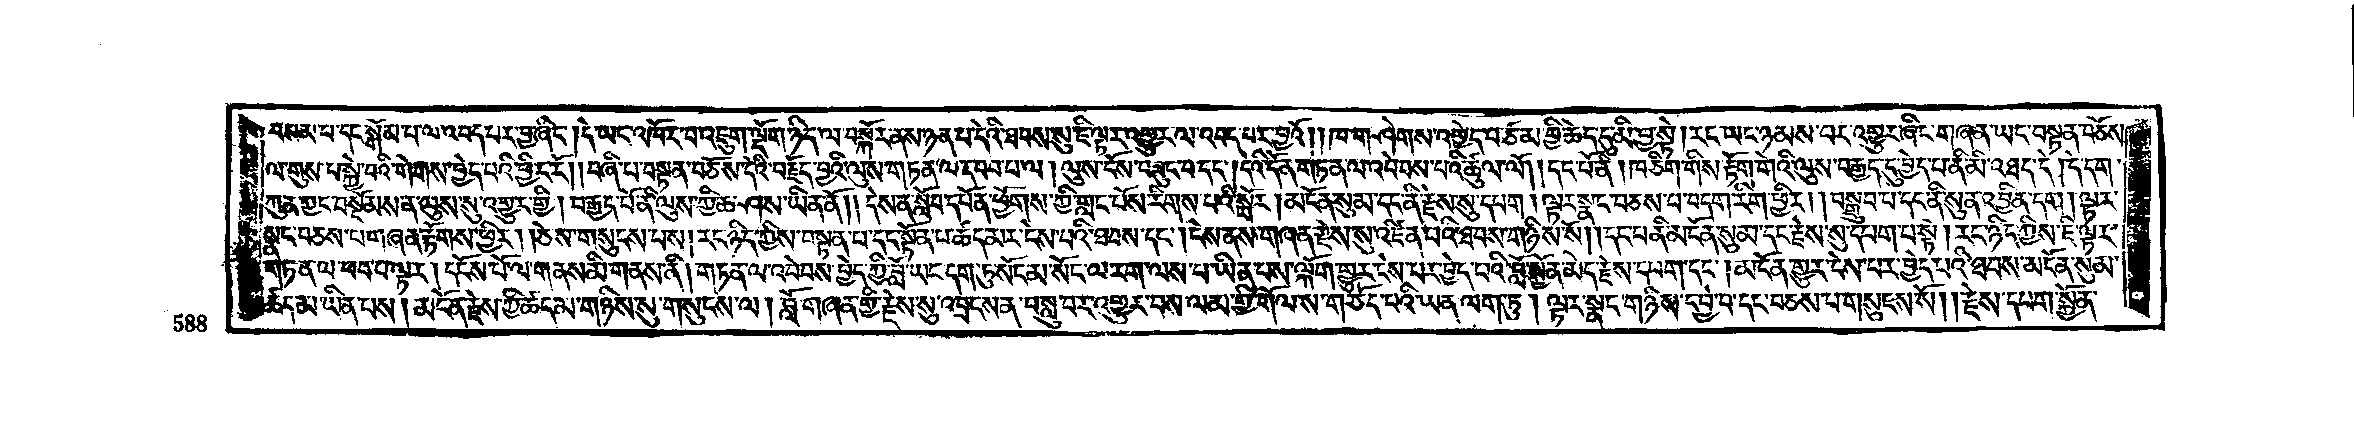བསམས་པ་དང་སྒོམ་པ་ལ་འབད་པར་བྱ་ཞིང་། དེ་ཡང་འཁོར་བ་འཇུག་ལྡོག་ཉིད་ལ་བསྐོར་ནས་ཉན་པ་དེའི་ཐབས་སུ་ཇི་ལྟར་འགྱུར་ལ་འབད་པར་བྱའོ། །ཁ་གཤེགས་འགྱེད་པ་ཙམ་གྱི་ཆེད་དུ་མི་བྱ་སྟེ། རང་ཡང་ཉམས་པར་འགྱུར་ཞིང་། གཞན་ཡང་བསྟན་བཅོས་
ལ་གུས་པ་སྐྱེ་བའི་གེགས་བྱེད་པའི་ཕྱིར་རོ། །བཞི་པ་བསྟན་བཅོས་དེའི་བརྗོད་བྱའི་ལུས་གཏན་ལ་དབབ་པ་ལ། ལུས་ངོས་བཟུང་བ་དང་། དེའི་དོན་གཏན་ལ་འབེབས་པའི་ཚུལ་ལོ། །དང་པོ་ནི། ཁ་ཅིག་གིས་རྟོག་གེའི་ལུས་བརྒྱད་དུ་བྱེད་པ་ནི་མི་འཐད་དེ། དེ་དག་
ཀུན་ཀྱང་བསྔོམས་ན་ལུས་སུ་འགྱུར་གྱི་།བརྒྱད་པོ་ནི་ལུས་ཀྱི་ཆ་ཤས་ཡིན་ནོ། །དེས་ན་སློབ་དཔོན་ཕྱོགས་ཀྱི་གླང་པོས་རིགས་པའི་སྐྲོར?། མངོན་སུམ་དང་ནི་རྗེས་སུ་དཔག །ལྟར་སྣང་བཅས་པ་བདག་རིག་ཕྱིར། །བསྒྲུབ་པ་དང་ནི་སུན་འབྱིན་དག །ལྟར་
སྣང་བཅས་པ་གཞན་རྟོགས་ཕྱིར། །ཅེས་གསུངས་པས། རང་ཉིད་ཀྱིས་བསྟན་པ་དང་སྟོན་པ་ཚད་མར་ངེས་པའི་ཐབས་དང་། ངེས་ནས་གཞན་རྗེས་སུ་འཛིན་པའི་ཐབས་གཉིས་སོ། །དང་པོ་ནི་མངོན་སུམ་དང་རྗེས་སུ་དཔག་པ་སྟེ། རང་ཉིད་ཀྱིས་ཇི་ལྟར་
གཏན་ལ་ཕབ་པ་ལྟར། དངོས་པོ་ལ་གནས་མི་གནས་ནི། གཏན་ལ་འབེབས་བྱེད་ཀྱི་བློ་ཡང་དག་ཏུ་སོང་མ་སོང་ལ་རག་ལས་པ་ཡིན་པས་ལྐོག་གྱུར་ངེས་པར་བྱེད་པའི་བློ་སྐྱོན་མེད་རྗེས་དཔག་དང་། མངོན་གྱུར་ངེས་པར་བྱེད་པའི་ཐབས་མངོན་སུམ་
ཚད་མ་ཡིན་པས། མངོན་རྗེས་ཀྱི་ཚད་མ་གཉིས་སུ་གསུངས་ལ། བློ་གཞན་གྱི་རྗེས་སུ་འབྲངས་ནས་བསླུ་བར་འགྱུར་བས་ལམ་གྱི་གོ་ལ་ས་ཅོད་པའི་ཡན་ལག་ཏུ། ལྟར་སྣང་གཉིས་དབྱེ་བ་དང་བཅས་པ་གསུངས་སོ། །རྗེས་དཔག་སྐྱོན་